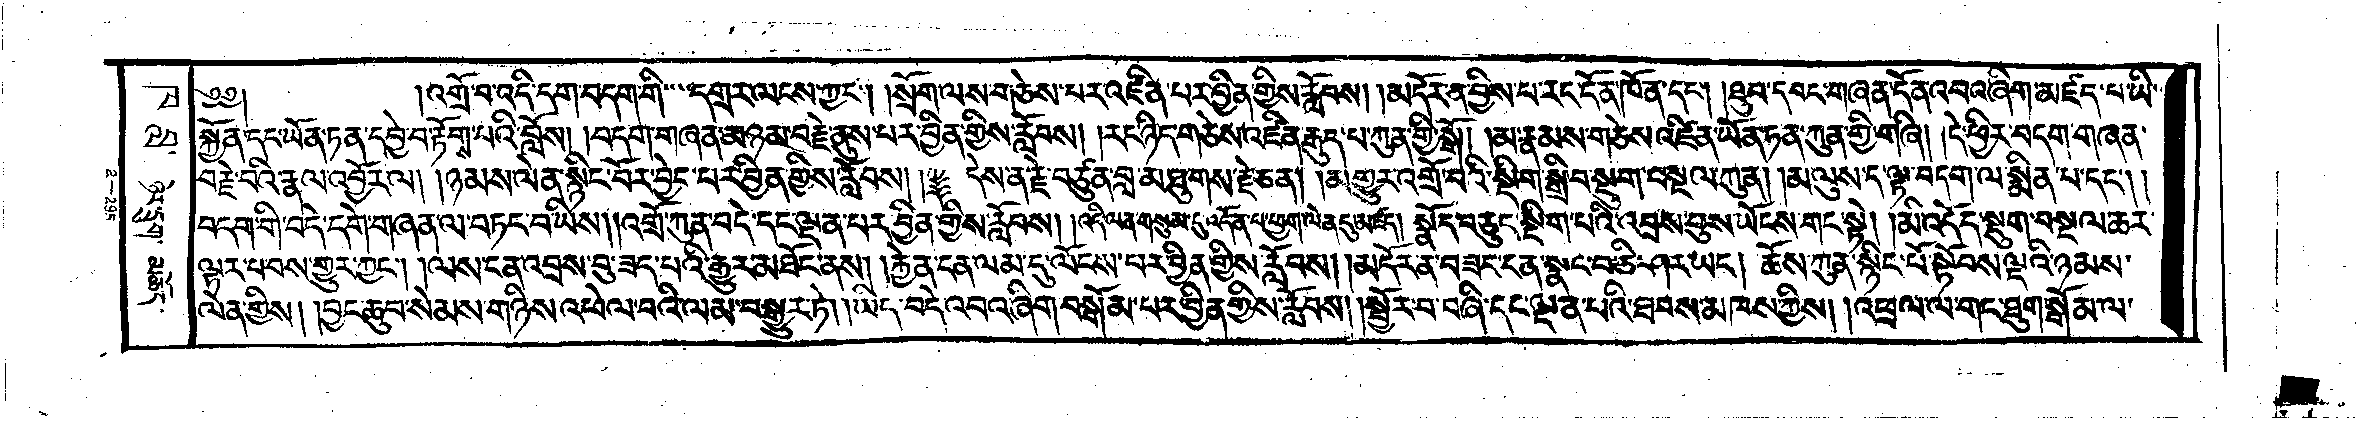༄༅། །འགྲོ་བ་འདི་དག་བདག་གི་དགྲར་ལངས་ཀྱང་། །སྲོག་ལས་གཅེས་པར་འཛིན་པར་བྱིན་གྱིས་རློབས། །མདོར་ན་བྱིས་པ་རང་དོན་ཁོ་ན་དང་། །ཐུབ་དབང་གཞན་དོན་འབའ་ཞིག་མཛད་པ་ཡི་
སྐྱོན་དང་ཡོན་ཏན་དབྱེ་བ་རྟོགས་པའི་བློས། །བདག་གཞན་མཉམ་བརྗེ་ནུས་པར་བྱིན་གྱིས་རློབས། །རང་ཉིད་གཅེས་འཛིན་རྒྱུད་པ་ཀུན་གྱི་སྒོ། །མ་རྣམས་གཅེས་འཛིན་ཡོན་ཏན་ཀུན་གྱི་གཞི། །དེ་ཕྱིར་བདག་གཞན་
བརྗེ་བའི་རྣལ་འབྱོར་ལ། །ཉམས་ལེན་སྙིང་པོར་བྱེད་པར་བྱིན་གྱིས་རློབས། །༈ དེས་ན་རྗེ་བཙུན་བླ་མ་ཐུགས་རྗེ་ཅན། །མགྱུར་འགྲོ་བའི་སྡིག་སྒྲིབ་སྡུག་བསྔལ་ཀུན། །མ་ལུས་ད་ལྟ་བདག་ལ་སྨིན་པ་དང།།
བདག་གི་བདེ་དགེ་གཞན་ལ་བཏང་བ་ཡིས། །འགྲོ་ཀུན་བདེ་དང་ལྡན་པར་བྱིན་གྱིས་རློབས། །འདི་ལན་གསུམ་དུ་འདོན་པ་ཕྱག་ལེན་དུ་མཛད། སྣོད་བཅུད་སྡིག་པའི་འབྲས་བུས་ཡོངས་གང་སྟེ། །མི་འདོད་སྡུག་བསྔལ་ཆར་
ལྟར་པ་བས་གྱུར་ཀྱང་། །ལས་ངན་འབྲས་བུ་ཟད་པའི་རྒྱུར་མཐོང་ནས། །རྐྱེན་ངན་ལམ་དུ་ལོངས་པར་བྱིན་གྱིས་རློབས། །མདོར་ན་བཟང་ངན་སྣང་བ་ཅི་ཤར་ཡང་། ཆོས་ཀུན་སྙིང་པོ་སྟོབས་ལྔའི་ཉམས་
ལེན་གྱིས། །བྱང་ཆུབ་སེམས་གཉིས་འཕེལ་བའི་ལམ་བསྒྱུར་ཏེ། །ཡིད་བདེ་འབའ་ཞིག་བསྒོམ་པར་བྱིན་གྱིས་རློབས། །སྦྱོར་བ་བཟི་དང་ལྡན་པའི་ཐབས་མཁས་ཀྱིས། །འཕྲལ་ལ་གང་ཐུག་སྒོམ་ལ་